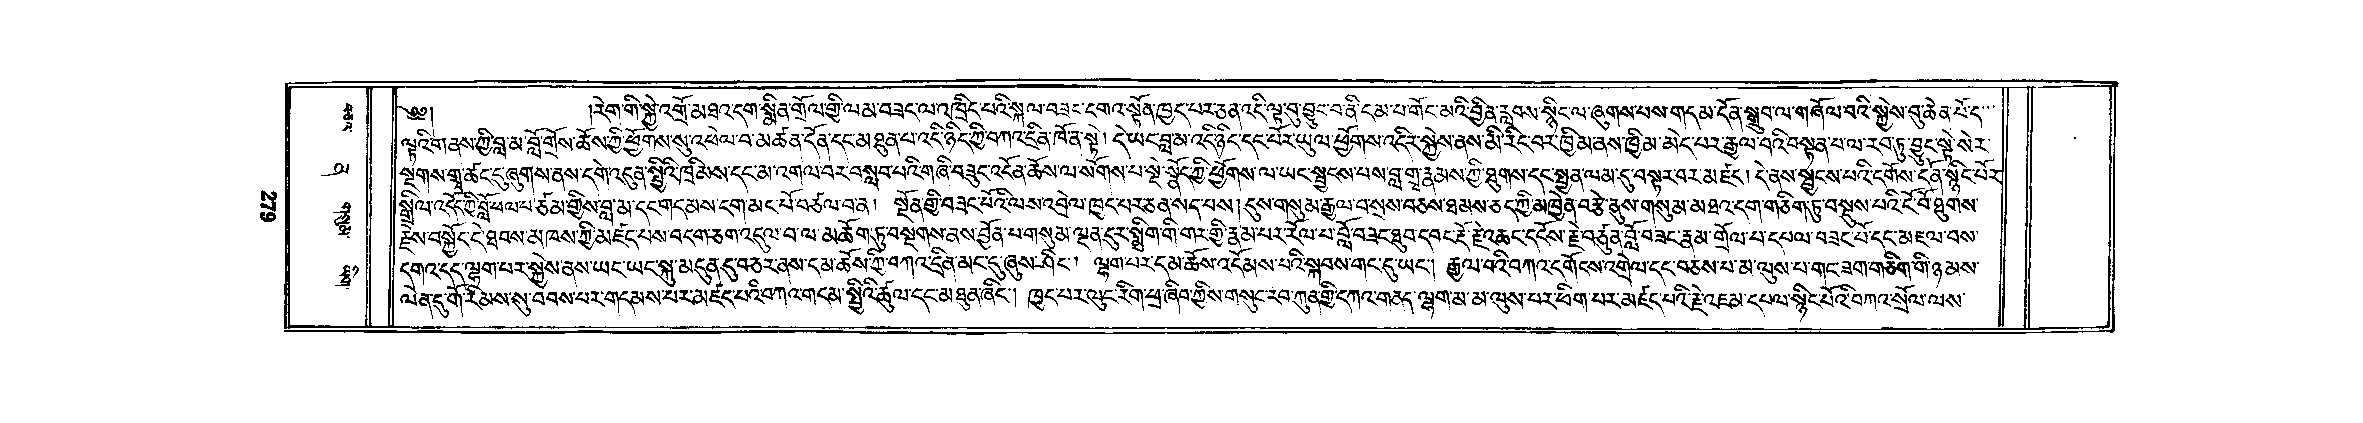༄༅། །རེག་གི་སྐྱེ་འགྲོ་མཐའ་དག་སྨིན་གྲོལ་གྱི་ལམ་བཟང་ལ་འཁྲིད་པའི་སྐལ་བཟང་དགའ་སྟོན་ཁྱད་པར་ཅན་འདི་ལྟ་བུ་བྱུང་བ་ནི་དམ་པ་གོང་མའི་བྱིན་རླབས་སྙིང་ལ་ཞུགས་པས་གདམ་དོན་སྒྲུབ་ལ་གཞོལ་བའི་སྐྱེས་བུ་ཆེན་པོ་ད་
ལྟའི་གནས་ཀྱི་བླ་མ་བློ་གྲོས་ཆོས་ཀྱི་ཕྱོགས་སུ་འཕེལ་བ་མཚན་དོན་དང་མཐུན་པ་འདི་ཉིད་ཀྱི་བཀའ་དྲིན་ཁོ་ན་སྟེ། དེ་ཡང་བླ་མ་འདི་ཉིད་དང་པོར་ཡུལ་ཕྱོགས་འདིར་སྐྱེས་ནས་མི་རིང་བར་ཁྱིམ་ནས་ཁྱིམ་མེད་པར་རྒྱལ་བའི་བསྟན་པ་ལ་རབ་ཏུ་བྱུང་སྟེ་སེར་
སྔགས་གྲྭ་ཚང་དུ་ཞུགས་ནས་དགེ་འདུན་སྤྱིའི་ཁྲིམས་དང་མ་འགལ་བར་བསླབ་པའི་གཞི་བཟུང་འདོན་ཆོས་ལ་སོགས་པ་སྡེ་སྣོད་ཀྱི་ཕྱོགས་ལ་ཡང་སྦྱངས་པས་བླ་གྲྭ་རྣམས་ཀྱི་ཐུགས་དང་སྤྱན་ལམ་དུ་བསྟར་བར་མཛད། དེ་ནས་སྦྱངས་པའི་དགོས་དོན་སྙིང་པོར་
སྒྲིལ་འདོད་ཀྱི་བློ་ཕལ་པ་ཙམ་གྱིས་བླ་མ་དང་གདམས་ངག་མང་པོ་བཙལ་བ་ན། སྔོན་གྱི་བཟང་པོའི་ལས་འབྲེལ་ཁྱད་པར་ཅན་སད་པས། དུས་གསུམ་རྒྱལ་བ་སྲས་བཅས་ཐམས་ཅད་ཀྱི་མཁྱེན་བརྩེ་ནུས་གསུམ་མཐའ་དག་གཅིག་ཏུ་བསྡུས་པའི་ངོ་བོ་ཐུགས་
རྗེས་བསྐྱོད་དེ་ཐབས་མཁས་ཀྱི་མཛད་པས་བདག་ཅག་འདུལ་བ་ལ་མཆོག་ཏུ་བསྔགས་ནས་བྱོན་པ་གསུམ་ལྡན་ངུར་སྨྲིག་གི་གར་གྱི་རྣམ་པར་རོལ་པ་བློ་བཟང་ཐུབ་དབང་རྡོ་རྗེ་འཆང་དངོས་རྗེ་བཙུན་བློ་བཟང་རྣམ་གྲོལ་པ་དཔལ་བཟང་པོ་དང་མཇལ་བས་
དགའ་དད་ལྷག་པར་སྐྱེས་ནས་ཡང་ཡང་སྐུ་མདུན་དུ་བཅར་ནས་དམ་ཆོས་ཀྱི་བཀའ་དྲིན་མང་དུ་ཞུས་ཤིང་། ལྷག་པར་དམ་ཆོས་འདོམས་པའི་སྐབས་གང་དུ་ཡང་། རྒྱལ་བའི་བཀའ་དགོངས་འགྲེལ་དང་བཅས་པ་མ་ལུས་པ་གང་ཟག་གཅིག་གི་ཉམས་
ལེན་དུ་གོ་རིམས་སུ་བབས་པར་གདམས་པར་མཛད་པའི་བཀའ་གདམ་སྤྱིའི་ཚུལ་དང་མཐུན་ཞིང་། ཁྱད་པར་ལུང་རིག་ཕྲ་ཞིབ་ཀྱིས་གསུང་རབ་ཀུན་གྱི་དཀའ་གནད་ལྷག་མ་མ་ལུས་པར་ཕིག་པར་མཛད་པའི་རྗེ་འཇམ་དཔལ་སྙིང་པོའི་བཀའ་སྲོལ་ལས་